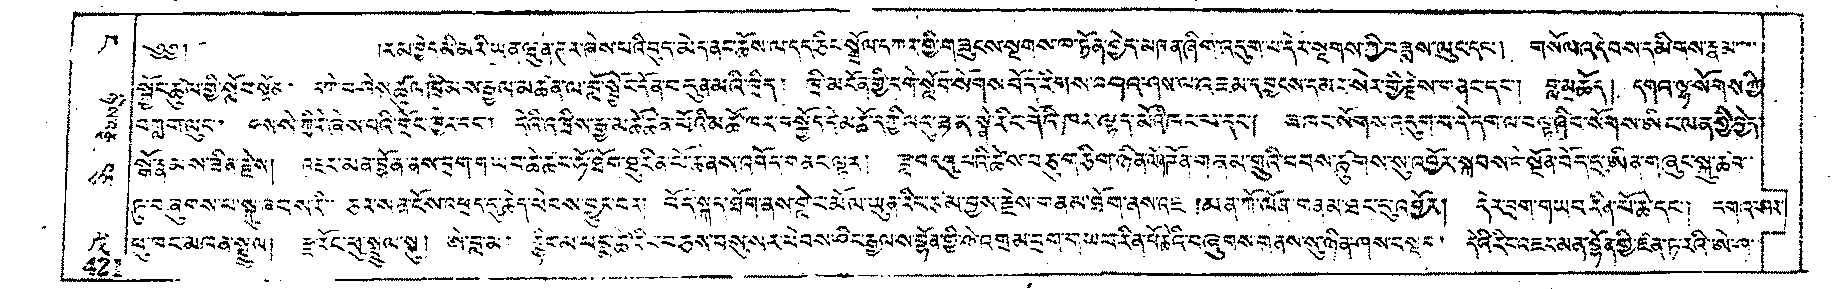༄༅། །རམ་བྱེད་མི་མ་རི་ཡན་ཝུན་ཊར་ཞེས་པའི་བུད་མེད་ནང་ཆོས་ལ་དད་ཅིང་སྒྲོལ་དཀར་གྱི་གཟུངས་སྔགས་ཁ་ཏོན་བྱེད་མཁན་ཞིག་འདུག་པ་དེར་སྔགས་ཀྱི་བཟླས་ལུང་དང་། གསོལ་འདེབས་དམིགས་རྣམ་
སྐྱོང་ཚུལ་གྱི་སློབ་སྟོན། དགེ་བཤེས་ཚུལ་ཁྲིམས་རྒྱལ་མཚན་ལ་བློ་སྦྱོང་དོན་བདུན་མའི་ཁྲིད། ཁྲི་མངོན་གྱི་དགེ་སློབ་སོགས་བོད་རིགས་འགའ་ཤས་ལ་འཇམ་དབྱངས་དམར་སེར་གྱི་རྗེས་གནང་དང་། བླ་མཆོད། དགའ་ལྷ་སོགས་ཀྱི་
བཀླག་ལུང་། ཧས་སེ་ཀྲི་རེ་ཞེས་པའི་གྲོང་ཁྱེར་དང་། དེའི་འཁྲིས་རྒྱ་མཚོ་ཆེན་པོའི་མཚོ་ཁར་བསྐྱོད་དེ་མཚོ་དཀྱིལ་དུ་ཟན་སྣེ་རིང་གོའི་ཁར་ལྟད་མོའི་ཁང་པ་དང་། ཟ་ཁང་སོགས་འདུག་པ་དེ་དག་ལ་བལྟ་ཞིབ་སོགས་ཨིང་ལན་གྱི་བྱེད་
སྒོ་རྣམས་ཟིན་རྗེས། འཇར་མན་བྷོན་ནས་བྲག་གཡབ་ཆེ་ཚང་ཧོ་ཐོག་ཐུ་རིན་པོ་ཆེ་ནས་འབོད་གནང་ལྟར། ཟླ་བ་དགུ་པའི་ཚེས་བཅུ་གཅིག་ཉིན་ལོན་ཌོ་ན་གནམ་གྲུའི་བབས་ཚུགས་སུ་འབྱོར་སྐབས་དེ་སྔོན་བོད་དུ་ཨིན་གཞུང་སྐུ་ཚབ་
ཏུ་བཞུགས་པ་སྐུ་ཞབས་རི་ཆར་སན་ངོས་འཕྲད་དུ་ཆེ་ཕེབས་བྱུང་བར། བོད་སྐད་ཐོག་ནས་གླེང་མོལ་ཡུན་རིང་ཙམ་བྱས་རྗེས་གནམ་ཐོག་ནས་འཇར་མན་ཀོ་ལོན་གནམ་ཐང་དུ་འབྱོར། དེར་བྲག་གཡབ་རིན་པོ་ཆེ་དང་། དགའ་ཤར་
ཕུ་ཁང་མཁན་སྤྲུལ། རྫ་རོང་ཕུ་སྤྲུལ་སྐུ། ཨེ་བླ་མ། རྙིང་མ་པདམ་ཚེ་རིང་བཅས་བསུ་སར་ཕེབས་ཤིང་རྒྱལ་ས་བྷོན་གྱི་ཉེ་འགྲམ་བྲག་གཡབ་རིན་པོ་ཆེའི་བཞུགས་གནས་སུ་ཉིན་ཤས་བསྡད། དེའི་རིང་འཇར་མན་བྷོན་གྱི་ཛན་ཏ་རའི་ཨེ་ཤ་